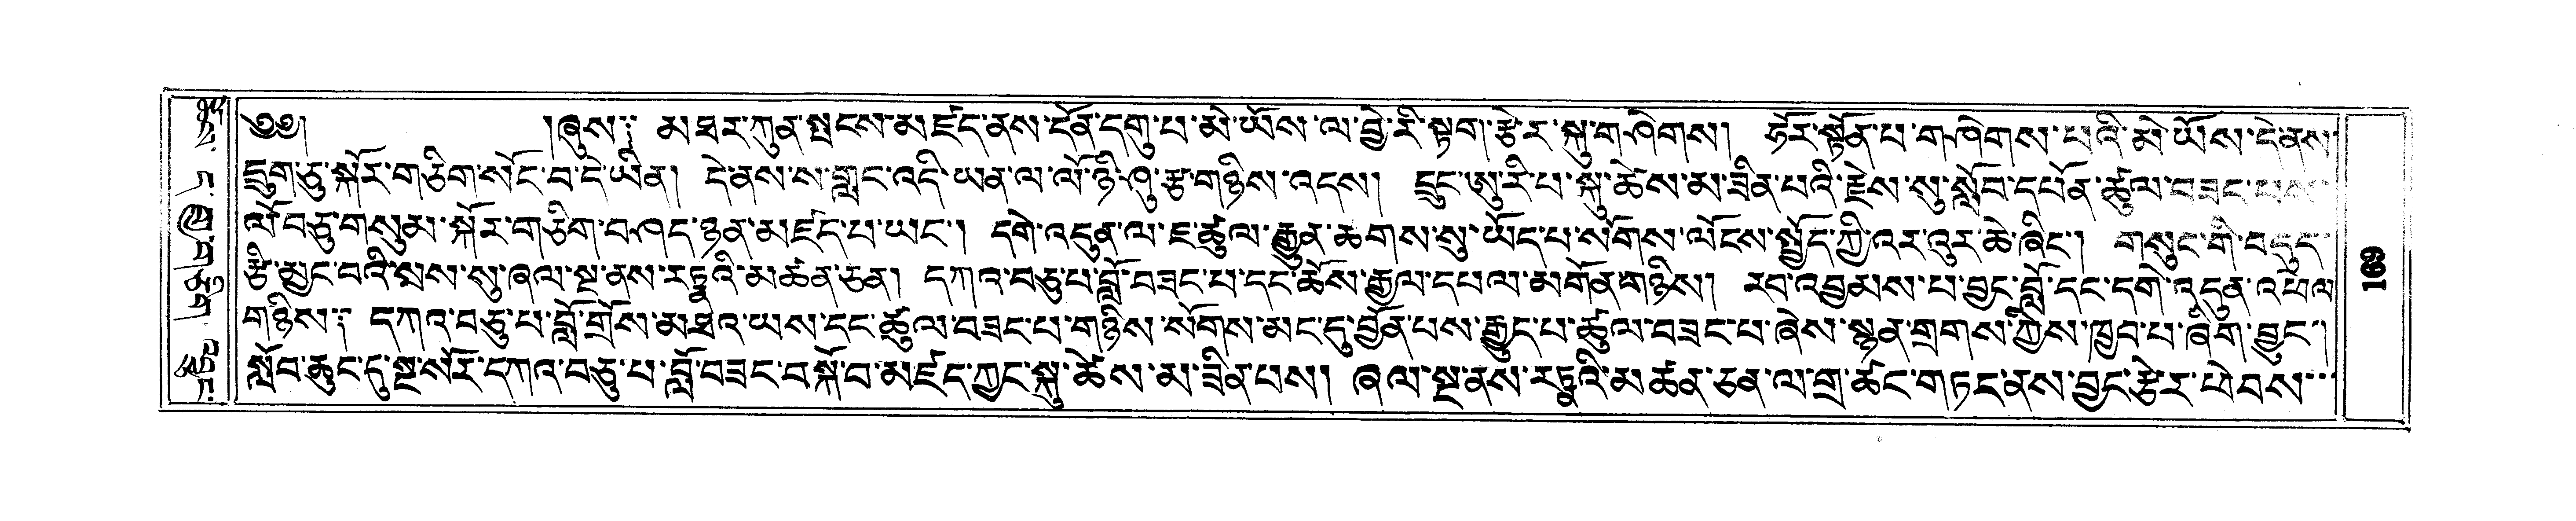༄༅། །ཞུས༑ མཐར་ཀུན་སྤངས་མཛད་ནས་དོན་དགུ་པ་མེ་ཡོས་ལ་བྱེ་རི་སྟག་རྩེར་སྐུ་གཤེགས། ཧོར་སྟོན་པ་གཤེགས་པའི་མེ་ཡོས་དེ་ནས་
དྲུག་ཅུ་སྐོར་གཅིག་སོང་བ་དེ་ཡིན། དེ་ནས་ས་གླང་འདི་ཡན་ལ་ལོ་ཉི་ཤུ་རྩ་གཉིས་འདས། དྲུང་ཨུ་རི་པ་སྐུ་ཚེས་མ་ཟིན་པའི་རྗེས་སུ་སློབ་དཔོན་ཚུལ་བཟང་པས་
ལོ་བཅུ་གསུམ་སྐོར་གཅིག་བཤད་ཉན་མཛད་པ་ཡང་། དགེ་འདུན་ལ་ཇ་ཚུལ་རྒྱུན་ཆགས་སུ་ཡོད་པ་སོགས་ལོངས་སྤྱོད་ཀྱི་འར་ཆེ་ཞིང་། གསུང་གི་བདུད་
རྩི་མྱང་བའི་སྲས་སུ་ཞལ་སྔ་ནས་རཏྣའི་མཚན་ཅན། དཀའ་བཅུ་པ་བློ་བཟང་པ་དང་ཆོས་རྒྱལ་དཔལ་མགོན་གཉིས། རབ་འབྱམས་པ་བྱང་བློ་དང་དགེ་འདུན་འཕེལ་
གཉིས༑ དཀའ་བཅུ་པ་བློ་གྲོས་མཐའ་ཡས་དང་ཚུལ་བཟང་པ་གཉིས་སོགས་མང་དུ་བྱོན་པས་རྒྱུད་པ་ཚུལ་བཟང་པ་ཞེས་སྙན་གྲགས་ཀྱིས་ཁྱབ་པ་ཞིག་བྱུང་།
སློབ་ཆུང་དུ་སྔ་སོར་དཀའ་བཅུ་པ་བློ་བཟང་བསྐོ་བ་མཛད་ཀྱང་སྐུ་ཚེས་མ་ཟིན་པས། ཞལ་སྔ་ནས་རཏྣའི་མཚན་ཅན་ལ་གྲ་ཚང་གཏང་ནས་བྱང་རྩེར་ཕེབས་